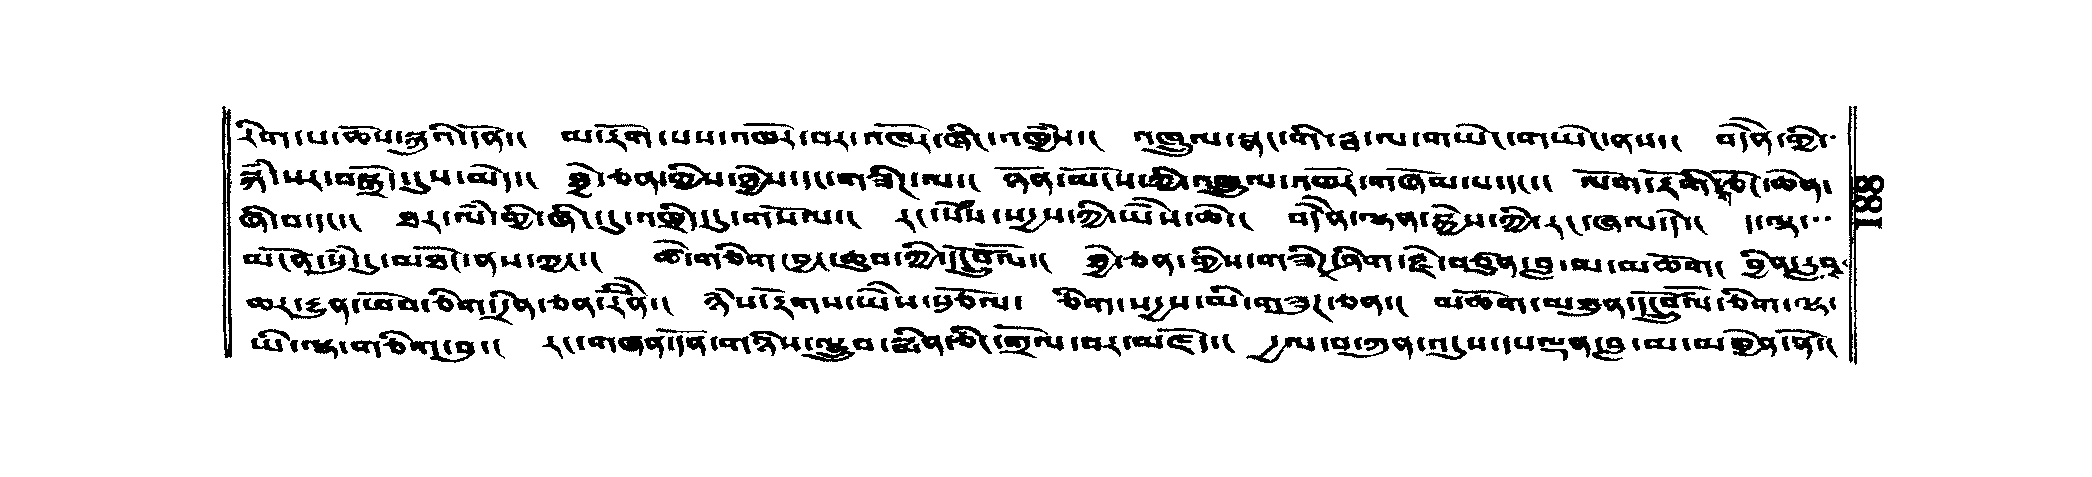རིག་པ་ཆོས་སྐུའི་དོན། །མ་རྟོགས་པས་འཁོར་བར་འཁོར་ཞིང་འཁྱམས། །འཁྲུལ་སྣང་གི་རྦ་ལ་གཡེང་ག་ཡེང་ནས། །བདེ་ཆེན་གྱི་
སྐམ་སར་བསྒྲོད་དུས་མེད། །ཐུགས་རྗེ་ཅན་གྱིས་ཐུགས་རྗེས་དང་གཟིགས་ལ། །ཉོན་མོངས་ཀྱི་འཁྲུལ་འཁོར་གཞོམ་པ་དང་། །ལོག་རྟོག་གི་གཅོང་ཆེན་
ཞི་བ་དང་། །ཐར་ལམ་གྱི་ཞིང་དུ་འཁྲིད་དུ་གསོལ། །རང་སེམས་སངས་རྒྱས་ཀྱང་ཡེ་ཤེས་ཆེ། །བདེ་ཆེན་ལྷན་སྐྱེས་ཀྱི་རང་ཞལ་དེ། །ད་ལྟ་
མངོན་སུམ་དུ་མཐོང་ནས་ཀྱང་། །ཚེ་གཅིག་བྱང་ཆུབ་ཀྱི་དངོས་གྲུབ་སྩོལ། །ཐུགས་རྗེ་ཅན་གྱིས་གཟིགས་ཤིག་རྗེ་བཙུན་བླ་མ་མཆོག།བྱིན་རླབས་
ཆར་རྒྱུན་ཕོབ་ཅིག་དྲིན་ཅན་རིན་པོ་ཆེ། །ཉམས་རྟོགས་ཡེ་ཤེས་སྩོལ་ཅིག་སངས་རྒྱས་མི་གཟུགས་ཅན། །མཆོག་ཐུན་དངོས་གྲུབ་སྩོལ་ཅིག་ལྷ་
ཡི་ལྷ་གཅིག་པུ། །རང་གཞན་དོན་གཉིས་ལྷུན་གྲུབ་སྨིན་ཅིང་གྲོལ་བར་མཛོད། །རྒྱལ་བ་ཀུན་འདུས་དཔལ་ལྡན་བླ་མ་མཁྱེན་ནོ།།